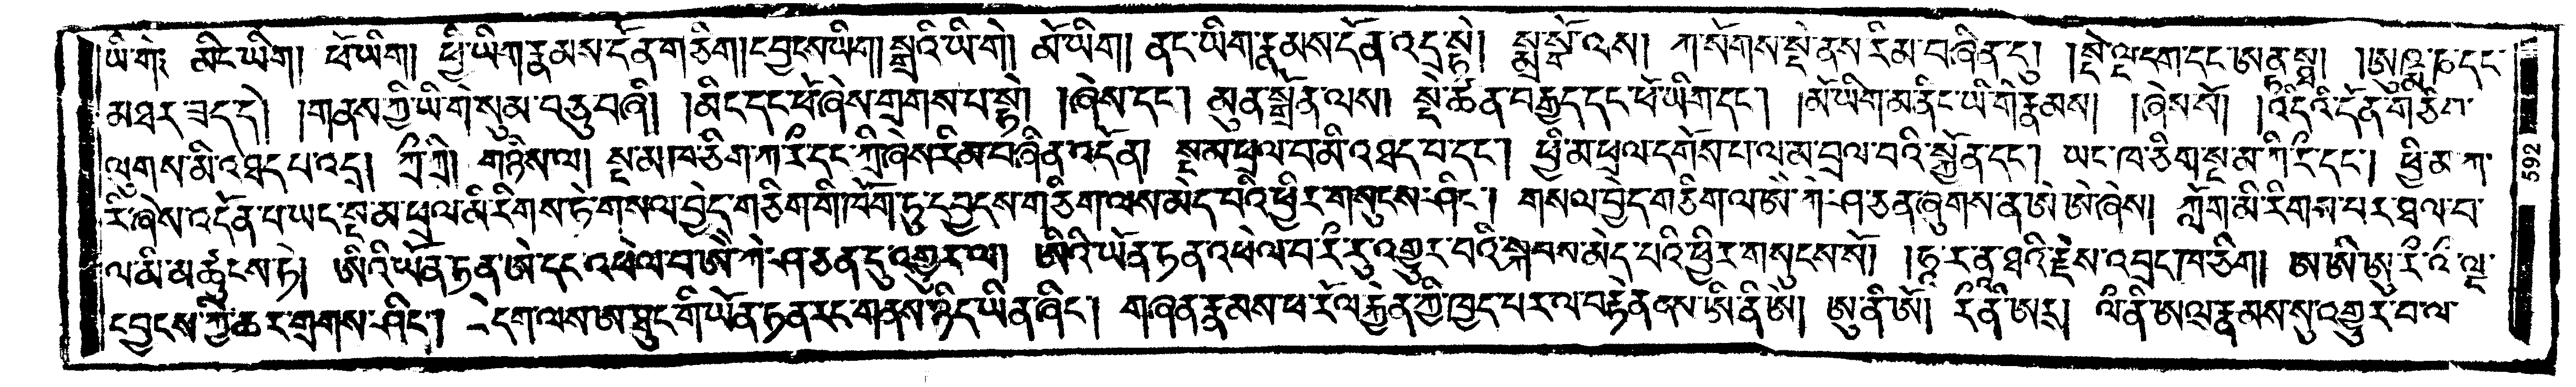ཡི་གེ། མིང་ཡིག །ཕོ་ཡིག །ཕྱི་ཡིག་རྣམས་དོན་གཅིག །དབྱངས་ཡིག །སྒྲའི་ཡི་གེ། མོ་ཡིག །ནང་ཡིག་རྣམས་དོན་འདྲ་སྟེ། སྨྲ་སྒོ་ལས། ཀ་སོགས་སྡེ་ནས་རིམ་བཞིན་དུ། །སྡེ་ལྔ་དག་དང་ཨན་སྠ། །ཨུཥྨ་ཎ་དང་
མཐར་ཟད་དེ། །གནས་ཀྱི་ཡི་གེ་སུམ་བཅུ་བཞི། །མིང་དང་ཕོ་ཞེས་གྲགས་པ་སྟེ། །ཞེས་དང་། མུན་སྒྲོན་ལས། སྡེ་ཚན་བརྒྱད་དང་ཕོ་ཡིག་དང་། །མི་ཡིག་མ་ནིང་ཡི་གེ་རྣམས། །ཞེས་སོ། །འདིའི་དོན་གཙབ་
ལུགས་མི་འཐད་པ་འདྲ། ཀྲྀ་ཀྲི། གཉིས་ལ། སྔ་མཁ་ཅིག་ཀ་རྀ་དང་ཀྲི་ཞེས་རིམ་བཞིན་འདོན། སྔ་མ་ཕྲལ་བ་མི་འཐད་པ་དང་། ཕྱི་མ་ཕྲལ་དགོས་པ་ལ་མ་བྲལ་བའི་སྐྱོན་དང་། ཡང་ཁ་ཅིག་སྔ་མ་ཀི་རྀ་དང་། ཕྱི་མ་ཀ་
རི་ཞེས་འདོན་པ་ཡང་སྔ་མ་ཕྲལ་མི་རིགས་ཏེ་གསལ་བྱེད་གཅིག་གི་ཁོག་ཏུ་དབྱངས་གཅིག་ལས་མེད་པའི་ཕྱིར་གསུངས་ཤིང་། གསལ་བྱེད་གཅིག་ལ་ཨི་ཀེ་ཤ་ཅན་ཞུགས་ན་ཨེ་ཞེས། ཀློག་མི་རིགས་པར་ཐལ་པ་
ལ་མི་མཚུངས་ཏེ། ཨིའི་ཡོན་ཏན་ཨེ་དང་འཕེལ་བ་ཨཻ་ཀེ་ཤ་ཅན་དུ་འགྱུར་ལ། ཨིའི་ཡོན་ཏན་འཕེལ་བ་རྀ་རུ་འགྱུར་བའི་སྐབས་མེད་པའི་ཕྱིར་གསུངས་སོ། །ཏཱ་ར་ནཱ་ཐའི་རྗེས་འབྲང་ཁ་ཅིག །ཨ་ཨི་ཨུ་རྀ་ཨཱྀ་ལྔ་
དབྱངས་ཀྱི་ཆར་གྲགས་ཤིང་། ?་དག་ལས་ཨ་ཐུང་གི་ཡོན་ཏན་རང་གནས་ཉིད་ཡིན་ཞིང་། གཞན་རྣམས་ཕ་རོལ་རྐྱེན་ཀྱི་ཁྱད་པར་བརྟེན་ནས་ཨི་ནི་ཨེ། ཨུ་ནི་ཨོ། རྀ་ནི་ཨརུ། ལྀ་ནི་ཨཝ་རྣམས་སུ་འགྱུར་བ་ལ་